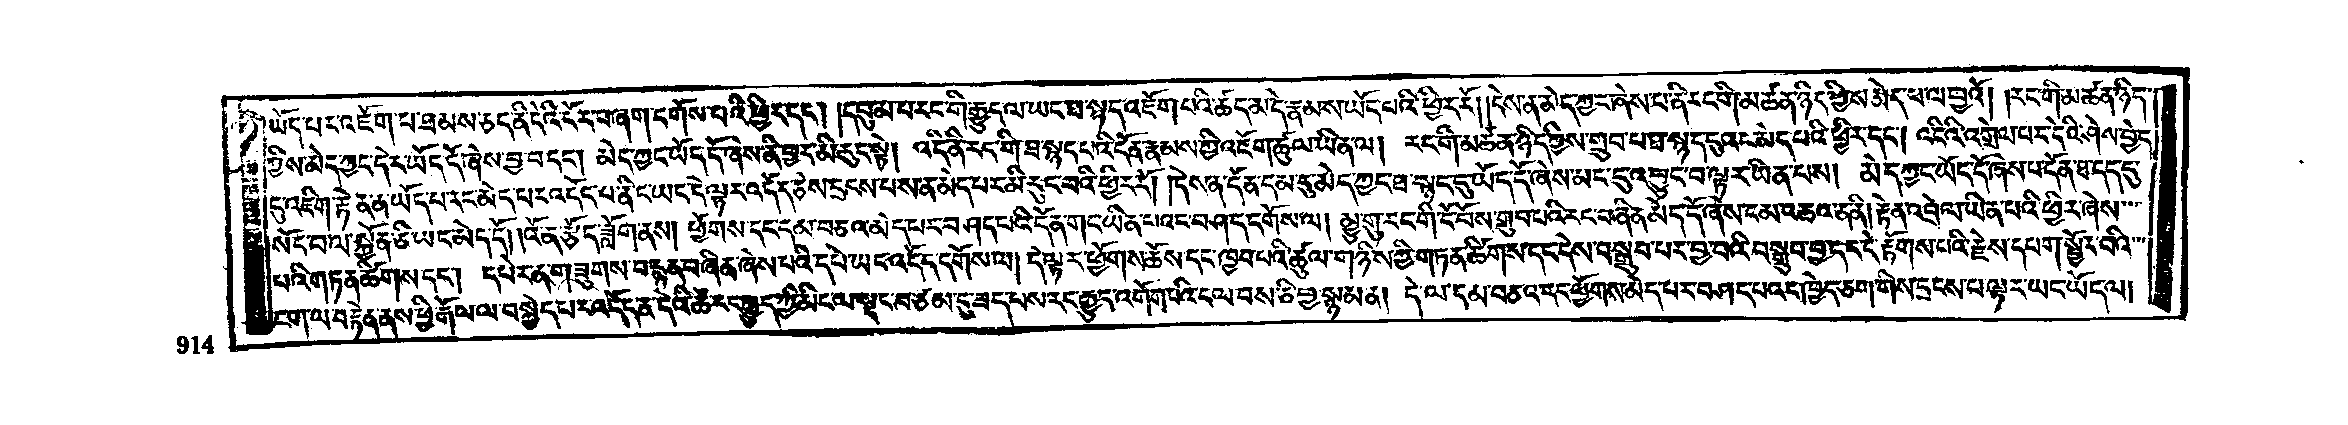ཡོད་པར་འཇོག་པ་ཐམས་ཅད་ནི་དེའི་ངོར་བཞག་དགོས་པའི་ཕྱིར་དང་། དབུ་མ་པ་རང་གི་རྒྱུད་ལ་ཡང་ཐ་སྙད་འཇོག་པའི་ཚད་མ་དེ་རྣམས་ཡོད་པའི་ཕྱིར་རོ། །དེས་ན་མེད་ཀྱང་ཞེས་པ་ནི་རང་གི་མཚན་ཉིད་ཀྱིས་མེད་པ་ལ་བྱའོ། །རང་གི་མཚན་ཉིད་
ཀྱིས་མེད་ཀྱང་དེར་ཡོད་དོ་ཞེས་བྱ་བ་དང་། མེད་ཀྱང་ཡོད་དོ་ཞེས་ནི་བྱར་མི་རུང་སྟེ། འདི་ནི་རང་གི་ཐ་སྙད་པའི་དོན་རྣམས་ཀྱི་འཇོག་ཚུལ་ཡིན་ལ། རང་གི་མཚན་ཉིད་ཀྱིས་གྲུབ་པ་ཐ་སྙད་དུའང་མེད་པའི་ཕྱིར་དང་། འདིའི་འགྲེལ་པར་དེའི་ཤེས་བྱེད་
དུ་འཇིག་རྟེན་ན་ཡོད་པ་དང་མེད་པར་འདོད་པ་ནི་ང་ཡང་དེ་ལྟར་འདོད་ཅེས་དྲངས་པས་ན་མེད་པར་མི་རུང་བའི་ཕྱིར་རོ། །དེས་ན་དོན་དམ་དུ་མེད་ཀྱང་ཐ་སྙད་དུ་ཡོད་དོ་ཞེས་མང་དུ་འབྱུང་བ་ལྟར་ཡིན་པས། མེད་ཀྱང་ཡོད་དོ་ཞེས་པ་དོན་ཐ་དད་དུ་
སོང་བ་ལ་སྐྱོན་ཅི་ཡང་མེད་དོ། །འོ་ན་རྩོད་ཟློག་ནས། ཕྱོགས་དང་དམ་བཅའ་མེད་པར་བཤད་པའི་དོན་གང་ཡིན་པའང་བཤད་དགོས་ལ། མྱུ་གུ་རང་གི་ངོ་བོས་གྲུབ་པའི་རང་བཞིན་མེད་དོ་ཞེས་དམ་འཆའ་ན་ནི། རྟེན་འབྲེལ་ཡིན་པའི་ཕྱིར་ཞེས་
པའི་གཏན་ཚིགས་དང་། དཔེར་ན་གཟུགས་བརྙན་བཞིན་ཞེས་པའི་དཔེ་ཡང་འདོད་དགོས་ལ། དེ་ལྟར་ཕྱོགས་ཆོས་དང་ཁྱབ་པའི་ཚུལ་གཉིས་ཀྱི་གཏན་ཚིགས་དང་དེས་བསྒྲུབ་པར་བྱ་བའི་བསྒྲུབ་བྱ་དང་དེ་རྟོགས་པའི་རྗེས་དཔག་སྦྱོར་བའི་
ངག་ལ་བརྟེན་ནས་ཕྱི་རྒོལ་ལ་བསྐྱེད་པར་འདོད་ན་དེའི་ཚེ་རང་རྒྱུད་ཀྱི་མིང་ལ་སྡང་བ་ཙམ་དུ་ཟད་པས་རང་རྒྱུད་འགོག་པའི་ངལ་བས་ཅི་བྱ་སྙམ་ན། དེ་ལ་དམ་བཅའ་དང་ཕྱོགས་མེད་པར་བཤད་པའང་ཁྱེད་ཅག་གིས་དྲངས་པ་ལྟར་ཡང་ཡོད་ལ།